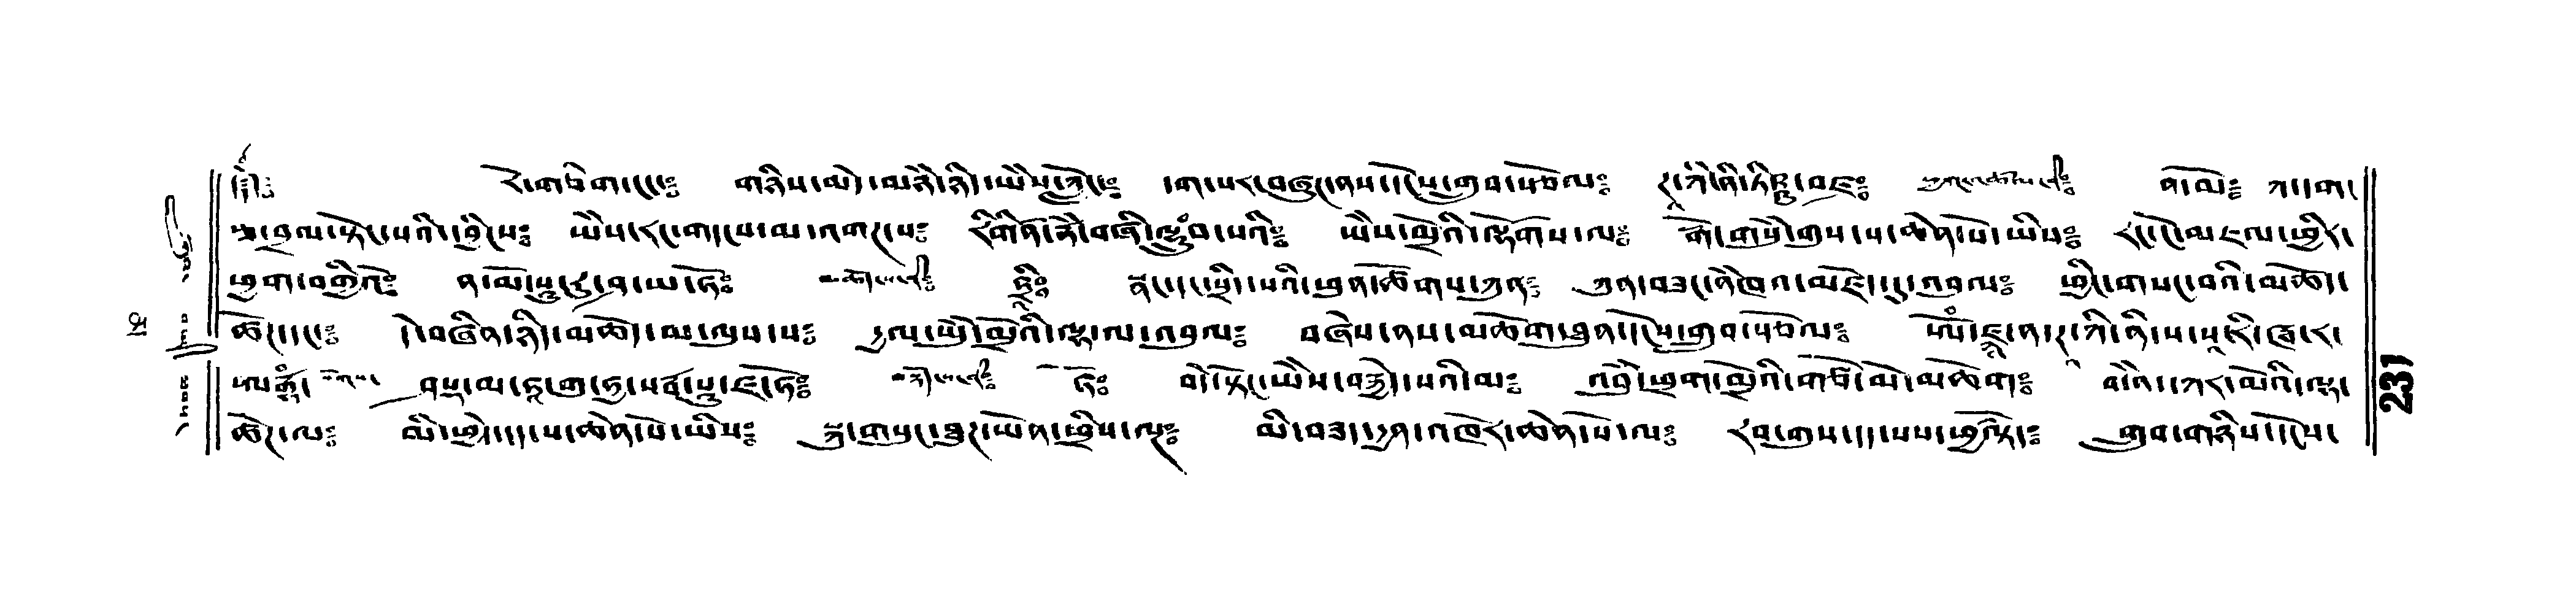རོ་གཅིག་ངང༔ གཉིས་མེད་མཉམ་ཉིད་ཡེ་ཤེས་ཀློང༔ དག་པར་བཞུགས་ནས་དངོས་གྲུབ་སྩོལ༔ ཌཱ་ཀི་ནི་ཏིཥྛ་བཛྲ༔ ཕྱག་འཚལ་ནི༔ ན་མོ༔ ཀ་དག་
རྩ་བྲལ་སྟོང་པའི་དབྱིངས༔ ཡེ་ཤེས་རང་གདངས་མ་འགགས་པ༔ རིག་འཛིན་རྣམ་བཞི་ལྷུན་གྲུབ་པའི༔ ཡེ་ཤེས་མཁའ་འགྲོའི་ལྷ་ཚོགས་ལ༔ སྒོ་གསུམ་གུས་པ་ཆེན་པོ་ཡིས༔ རང་ངོ་མཇལ་ཕྱིར་
ཕྱག་བགྱིའོ༔ ན་མོ་པཱུ་རུ་ཤ་ཡ་ཧོ༔ མཆོད་པ་ནི༔ ཧྲཱིཿ སྣང་དང་སྲིད་པའི་ཕུན་ཚོགས་ཀུན༔ ཀུན་བཟང་ནམ་མཁའ་མཛོད་དུ་འབུལ༔ ཕྱི་ནང་གསང་བའི་མཆོད་
ཚོགས་དང༔ དེ་བཞིན་ཉིད་མཆོད་མ་ལུས་པ༔ རྒྱལ་ཡུམ་མཁའ་འགྲོའི་ལྷ་ལ་འབུལ༔ བཞེས་ནས་མཆོག་ཐུན་དངོས་གྲུབ་སྩོལ༔ ཨོཾ་ཛྙཱ་ན་ཌཱ་ཀི་ནི་ས་པཱ་རི་ཝ་ར་
ཨརྒྷཾ་སོགས༔ ཤཔྡ་མ་ཧཱ་གུ་ཧྱ་སརྦ་པཱུ་ཛ་ཧོ༔ བསྟོད་པ་ནི༔ ཧོཿ བདེ་སྟོང་ཡེ་ཤེས་བསྐྱེད་པའི་མ༔ འབུམ་ཕྲག་མཁའ་འགྲོའི་གཙོ་མོ་མཆོག༔ བདེ་ཆེན་དཀར་མོའི་ལྷ་
ཚོགས་ལ༔ མི་ཕྱེད་དད་པ་ཆེན་པོ་ཡིས༔ སྐུ་གསུང་ཐུགས་ཡོན་ཕྲིན་ལས་ལྔ༔མི་བཟད་རྒྱན་འཁོར་ཆེན་པོ་ལ༔ རབ་གུས་དད་པས་ཕྱག་འཚལ་བསྟོད༔ གྲུབ་གཉིས་དངོས་